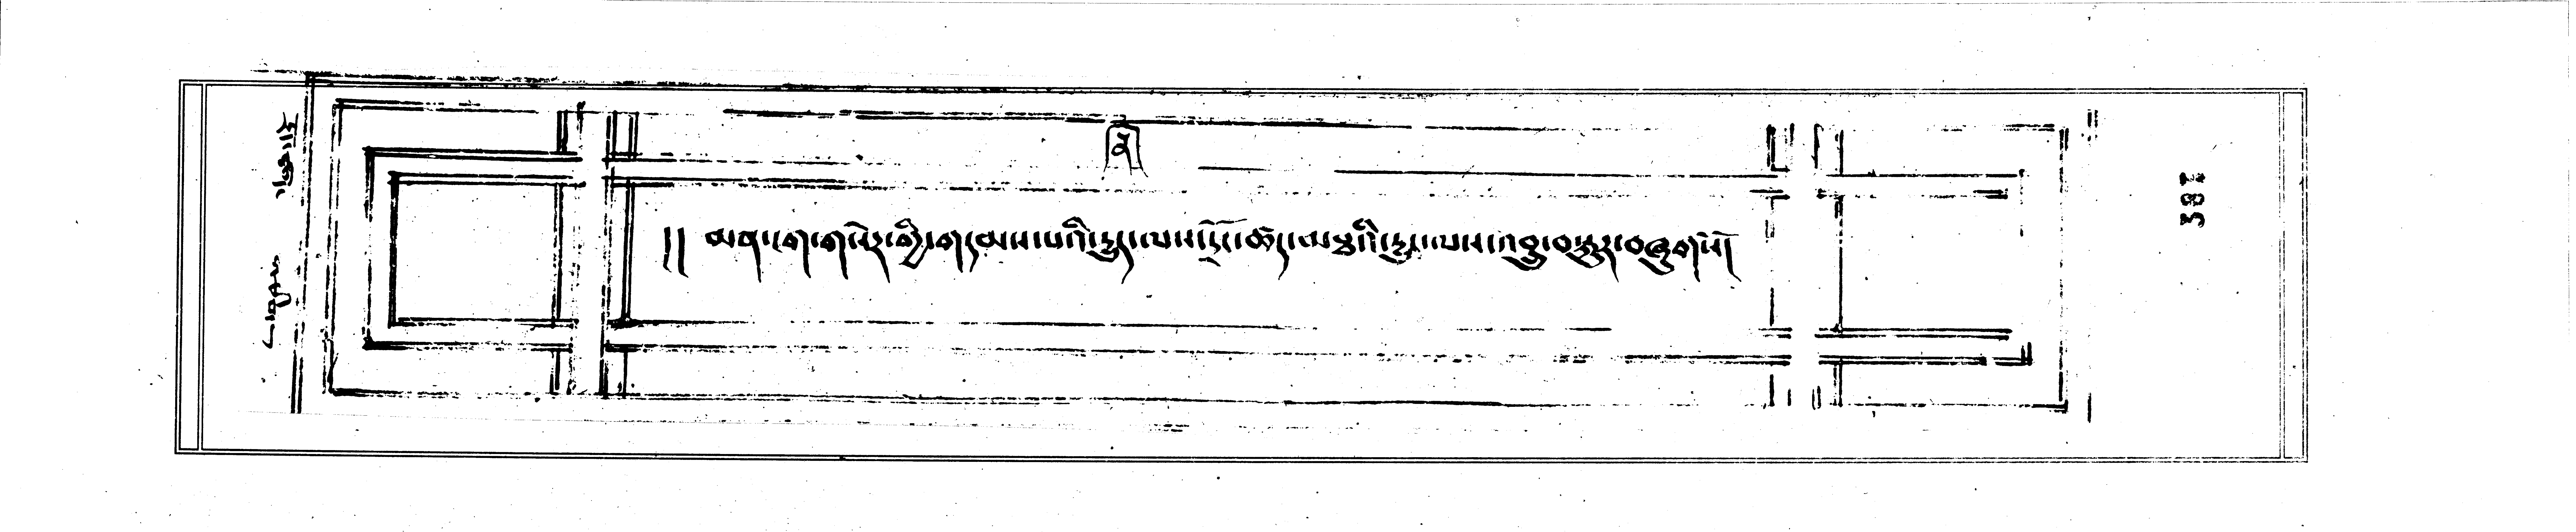།། མན་ངག་གསེར་གྱི་གདམས་པའི་རྒྱུད་ལས་དྲོད་ཚད་མཐའི་རྒྱུད་ལས་འབྲུ་བསྐུར་༼འབྲས་བུའི་སྐོར༽བཞུགས་སོ།